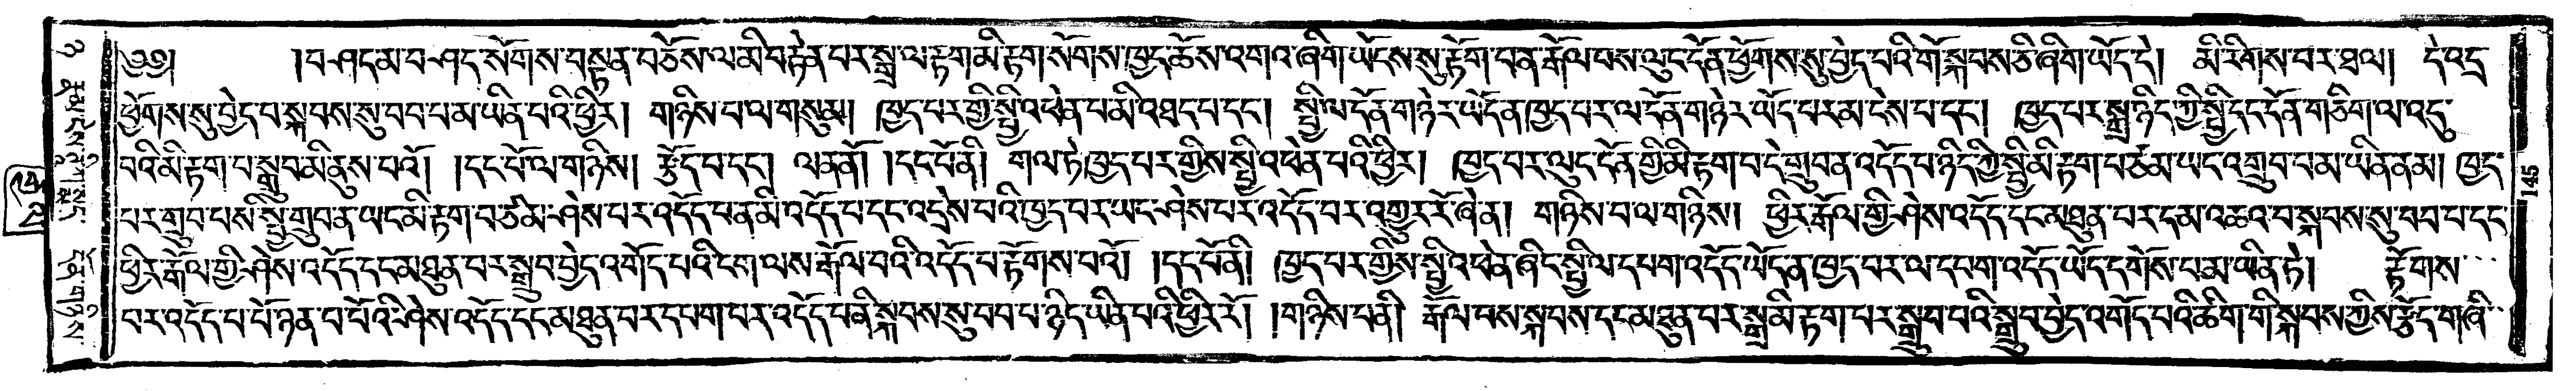༄༅། །བཤད་མ་བཤད་སོགས་བསྟན་བཅོས་ལ་མི་བརྟེན་པར་སྒྲ་ལ་རྟག་མི་རྟག་སོགས་ཁྱད་ཆོས་འགའ་ཞིག་ཡོངས་སུ་རྟོག་པ་ན་རྒོལ་བས་ལུང་དོན་ཕྱོགས་སུ་བྱེད་པའི་གོ་སྐབས་ཅི་ཞིག་ཡོད་དེ། མི་རིགས་པར་ཐལ། དེ་འདྲ་
ཕྱོགས་སུ་བྱེད་པ་སྐབས་སུ་བབ་པ་མ་ཡིན་པའི་ཕྱིར། གཉིས་པ་ལ་གསུམ། ཁྱད་པར་གྱི་སྤྱི་འཕེན་པ་མི་འཐད་པ་དང་། སྤྱི་ལ་དོན་གཉེར་ཡོད་ན་ཁྱད་པར་ལ་དོན་གཉེར་ཡོད་པར་མ་ངེས་པ་དང་། ཁྱད་པར་སྒྲ་ཉིད་ཀྱི་སྤྱི་དང་དོན་གཅིག་ལ་འདུ་
བའི་མི་རྟག་པ་སྒྲུབ་མི་ནུས་པའོ། །དང་པོ་ལ་གཉིས། རྩོད་པ་དང་། ལན་ནོ། །དང་པོ་ནི། གལ་ཏེ་ཁྱད་པར་གྱིས་སྤྱི་འཕེན་པའི་ཕྱིར། ཁྱད་པར་ལུང་དོན་གྱི་མི་རྟག་པ་དེ་གྲུབ་ན་འདོད་པ་ཉིད་ཀྱི་སྤྱི་མི་རྟག་པ་ཙམ་ཡང་འགྲུབ་པ་མ་ཡིན་ནམ། ཁྱད་
པར་གྲུབ་པས་སྤྱི་གྲུབ་ན་ཡང་མི་རྟག་པ་ཙམ་ཤེས་པར་འདོད་པ་ན་མི་འདོད་པ་དང་འདྲེས་པའི་ཁྱད་པར་ཡང་ཤེས་པར་འདོད་པར་འགྱུར་རོ་ཞེ་ན། གཉིས་པ་ལ་གཉིས། ཕྱིར་རྒོལ་གྱི་ཤེས་འདོད་དང་མཐུན་པར་དམ་འཆའ་བ་སྐབས་སུ་བབ་པ་དང་
ཕྱིར་རྒོལ་གྱི་ཤེས་འདོད་དང་མཐུན་པར་སྒྲུབ་བྱེད་འགོད་པའི་ངག་ལས་རྒོལ་བའི་འདོད་པ་རྟོགས་པའོ། །དང་པོ་ནི། ཁྱད་པར་གྱིས་སྤྱི་འཕེན་ཞིང་སྤྱི་ལ་དཔག་འདོད་ཡོད་ན་ཁྱད་པར་ལ་དཔག་འདོད་ཡོད་དགོས་པ་མ་ཡིན་ཏེ། རྟོགས་
པར་འདོད་པ་པོ་ཉན་པ་པོའི་ཤེས་འདོད་དང་མཐུན་པར་དཔག་པར་འདོད་པ་ནི་སྐབས་སུ་བབ་པ་ཉིད་ཡིན་པའི་ཕྱིར་རོ། །གཉིས་པ་ནི། རྒོལ་བས་སྐབས་དང་མཐུན་པར་སྒྲ་མི་རྟག་པར་སྒྲུབ་པའི་སྒྲུབ་བྱེད་འགོད་པའི་ཚིག་གི་སྐབས་ཀྱིས་རྩོད་གཞི་